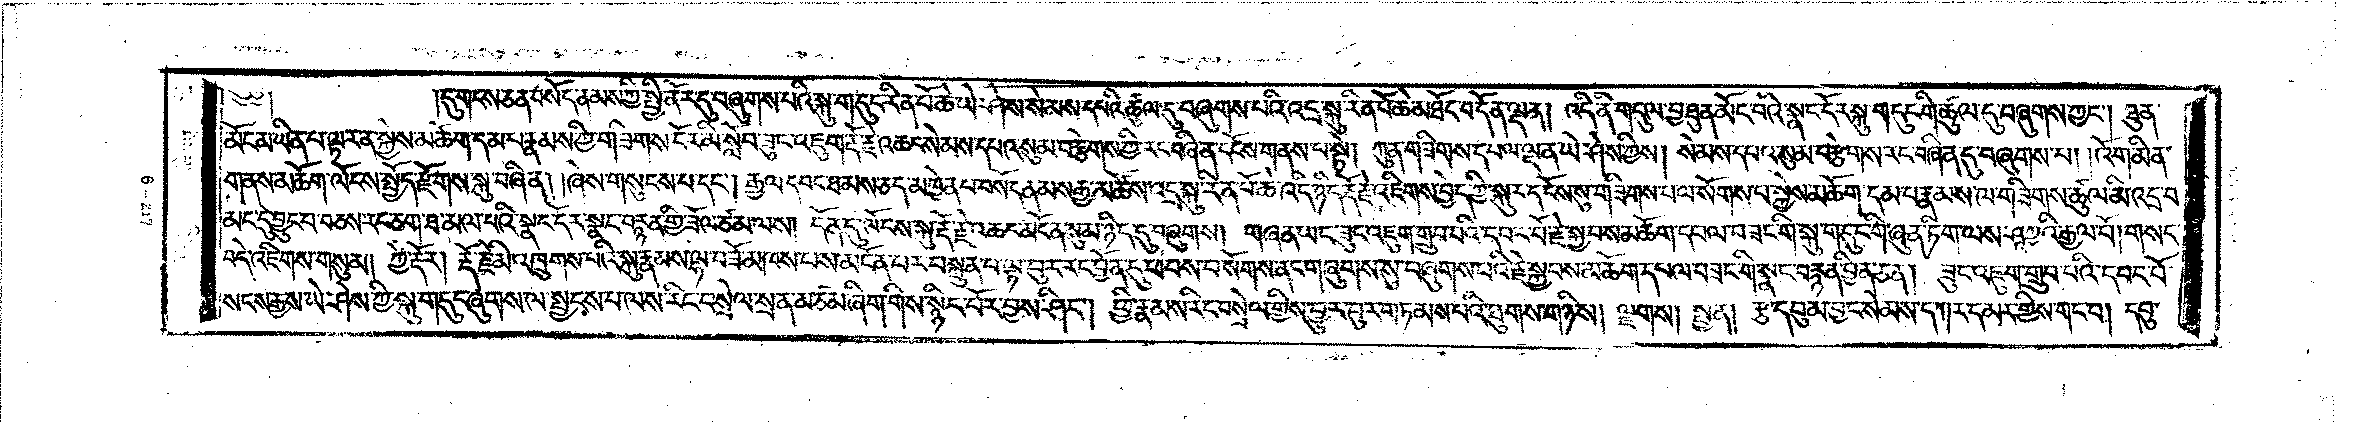༄༅། །དུ་གངས་ཅན་བསོད་ནམས་ཀྱི་སྤྱི་ནོར་དུ་བཞུགས་པའི་སྐུ་གདུང་རིན་པོ་ཆེ་ཡེ་ཤེས་སེམས་དཔའི་ཚུལ་དུ་བཞུགས་པའི་འདྲ་སྐུ་རིན་པོ་ཆེ་མཐོང་བ་དོན་ལྡན། འདི་ནི་གདུལ་བྱ་ཐུན་མོང་བའི་སྣང་དོར་སྐུ་གདུང་གི་ཚུལ་དུ་བཞུགས་ཀྱང་། ཐུན་
མོང་མ་ཡིན་པ་ལྟར་ན་སྐྱེས་མཆོག་དམ་པ་རྣམས་ཀྱི་གཟིགས་ངོར་མི་སློབ་ཟུང་འཇུག་རྡོ་རྗེ་འཆང་སེམས་དཔའ་སུམ་བརྩེགས་ཀྱི་རང་བཞིན་དངོས་གནས་པ་སྟེ། ཀུན་གཟིགས་དཔལ་ལྡན་ཡེ་ཤེས་ཀྱིས། སེམས་དཔའ་སུམ་བརྩེགས་རང་བཞིན་དུ་བཞུགས་པ། །འོག་མིན་
གནས་མཆོག་ལོངས་སྤྱོད་རྫོགས་སྐུ་བཞིན། །ཞེས་གསུངས་པ་དང་། རྒྱལ་དབང་ཐམས་ཅད་མཁྱེན་པ་བསོད་ནམས་རྒྱ་མཚོས་འདྲ་སྐུ་རིན་པོ་ཆེ་འདི་ཉིད་རྡོ་རྗེ་འཇིགས་བྱེད་ཀྱི་སྐུར་དངོས་སུ་གཟིགས་པ་ལ་སོགས་པ་སྐྱེས་མཆོག་དམ་པ་རྣམས་ལ་གཟིགས་ཚུལ་མི་འདྲ་བ་
མང་དུ་བྱུང་བ་བཅས་རང་ཅག་ཐ་མལ་བའི་སྣང་དོར་སྣང་བརྙེན་གྱི་ཟོལ་ཙམ་ལས། དོན་དུ་ལོངས་སྐུ་རྡོ་རྗེ་འཆང་མངོན་སུམ་ཉིད་དུ་བཞུགས། གཞན་ཡང་ཟུང་འཇུག་གྲུབ་པའི་དབང་པོ་རྗེ་སྐྱབས་མཆོག་དཔལ་བཟང་གི་སྐུ་གདུང་གི་ཞུན་ཏིག་ལས་ཤཱཀྱའི་རྒྱལ་པོ། གསང་
བདེ་འཇིགས་གསུམ། ཀྱཻ་རྡོར། རྡོ་རྗེ་མི་འཁྲུགས་པའི་སྐུ་རྣམས་ལྷ་བཟོ་མཁས་པས་མངོན་པར་བསྐྲུན་པ་ལྟ་བུར་རང་བྱོན་དུ་ཕབས་པ་སོགས་ནང་གཞུགས་སུ་བཞུགས་པའི་རྗེ་སྐྱབས་མཆོག་དཔལ་བཟང་གི་སྣང་བརྣན་བྱིན་ཅན། ཟུང་འཇུག་གྲུབ་པའི་དབང་པོ་
སངས་རྒྱས་ཡེ་ཤེས་ཀྱི་སྐུ་གདུང་ཞུགས་ལ་སྤྱངས་པ་ལས་རིང་བསྲེལ་སྲན་མ་ཙམ་ཞིག་གི་སྙིང་པོར་བྱས་ཤིང་། ཕྱི་རྣམས་རིང་བསྲེལ་གྱིས་བྱུར་བུར་གཏམས་པའི་ཐུགས་གཉིས། ལྗགས། སྤྱན། རྩ་དབུམ་བྱང་སེམས་དཀར་དམར་གྱིས་གང་བ། དབུ་